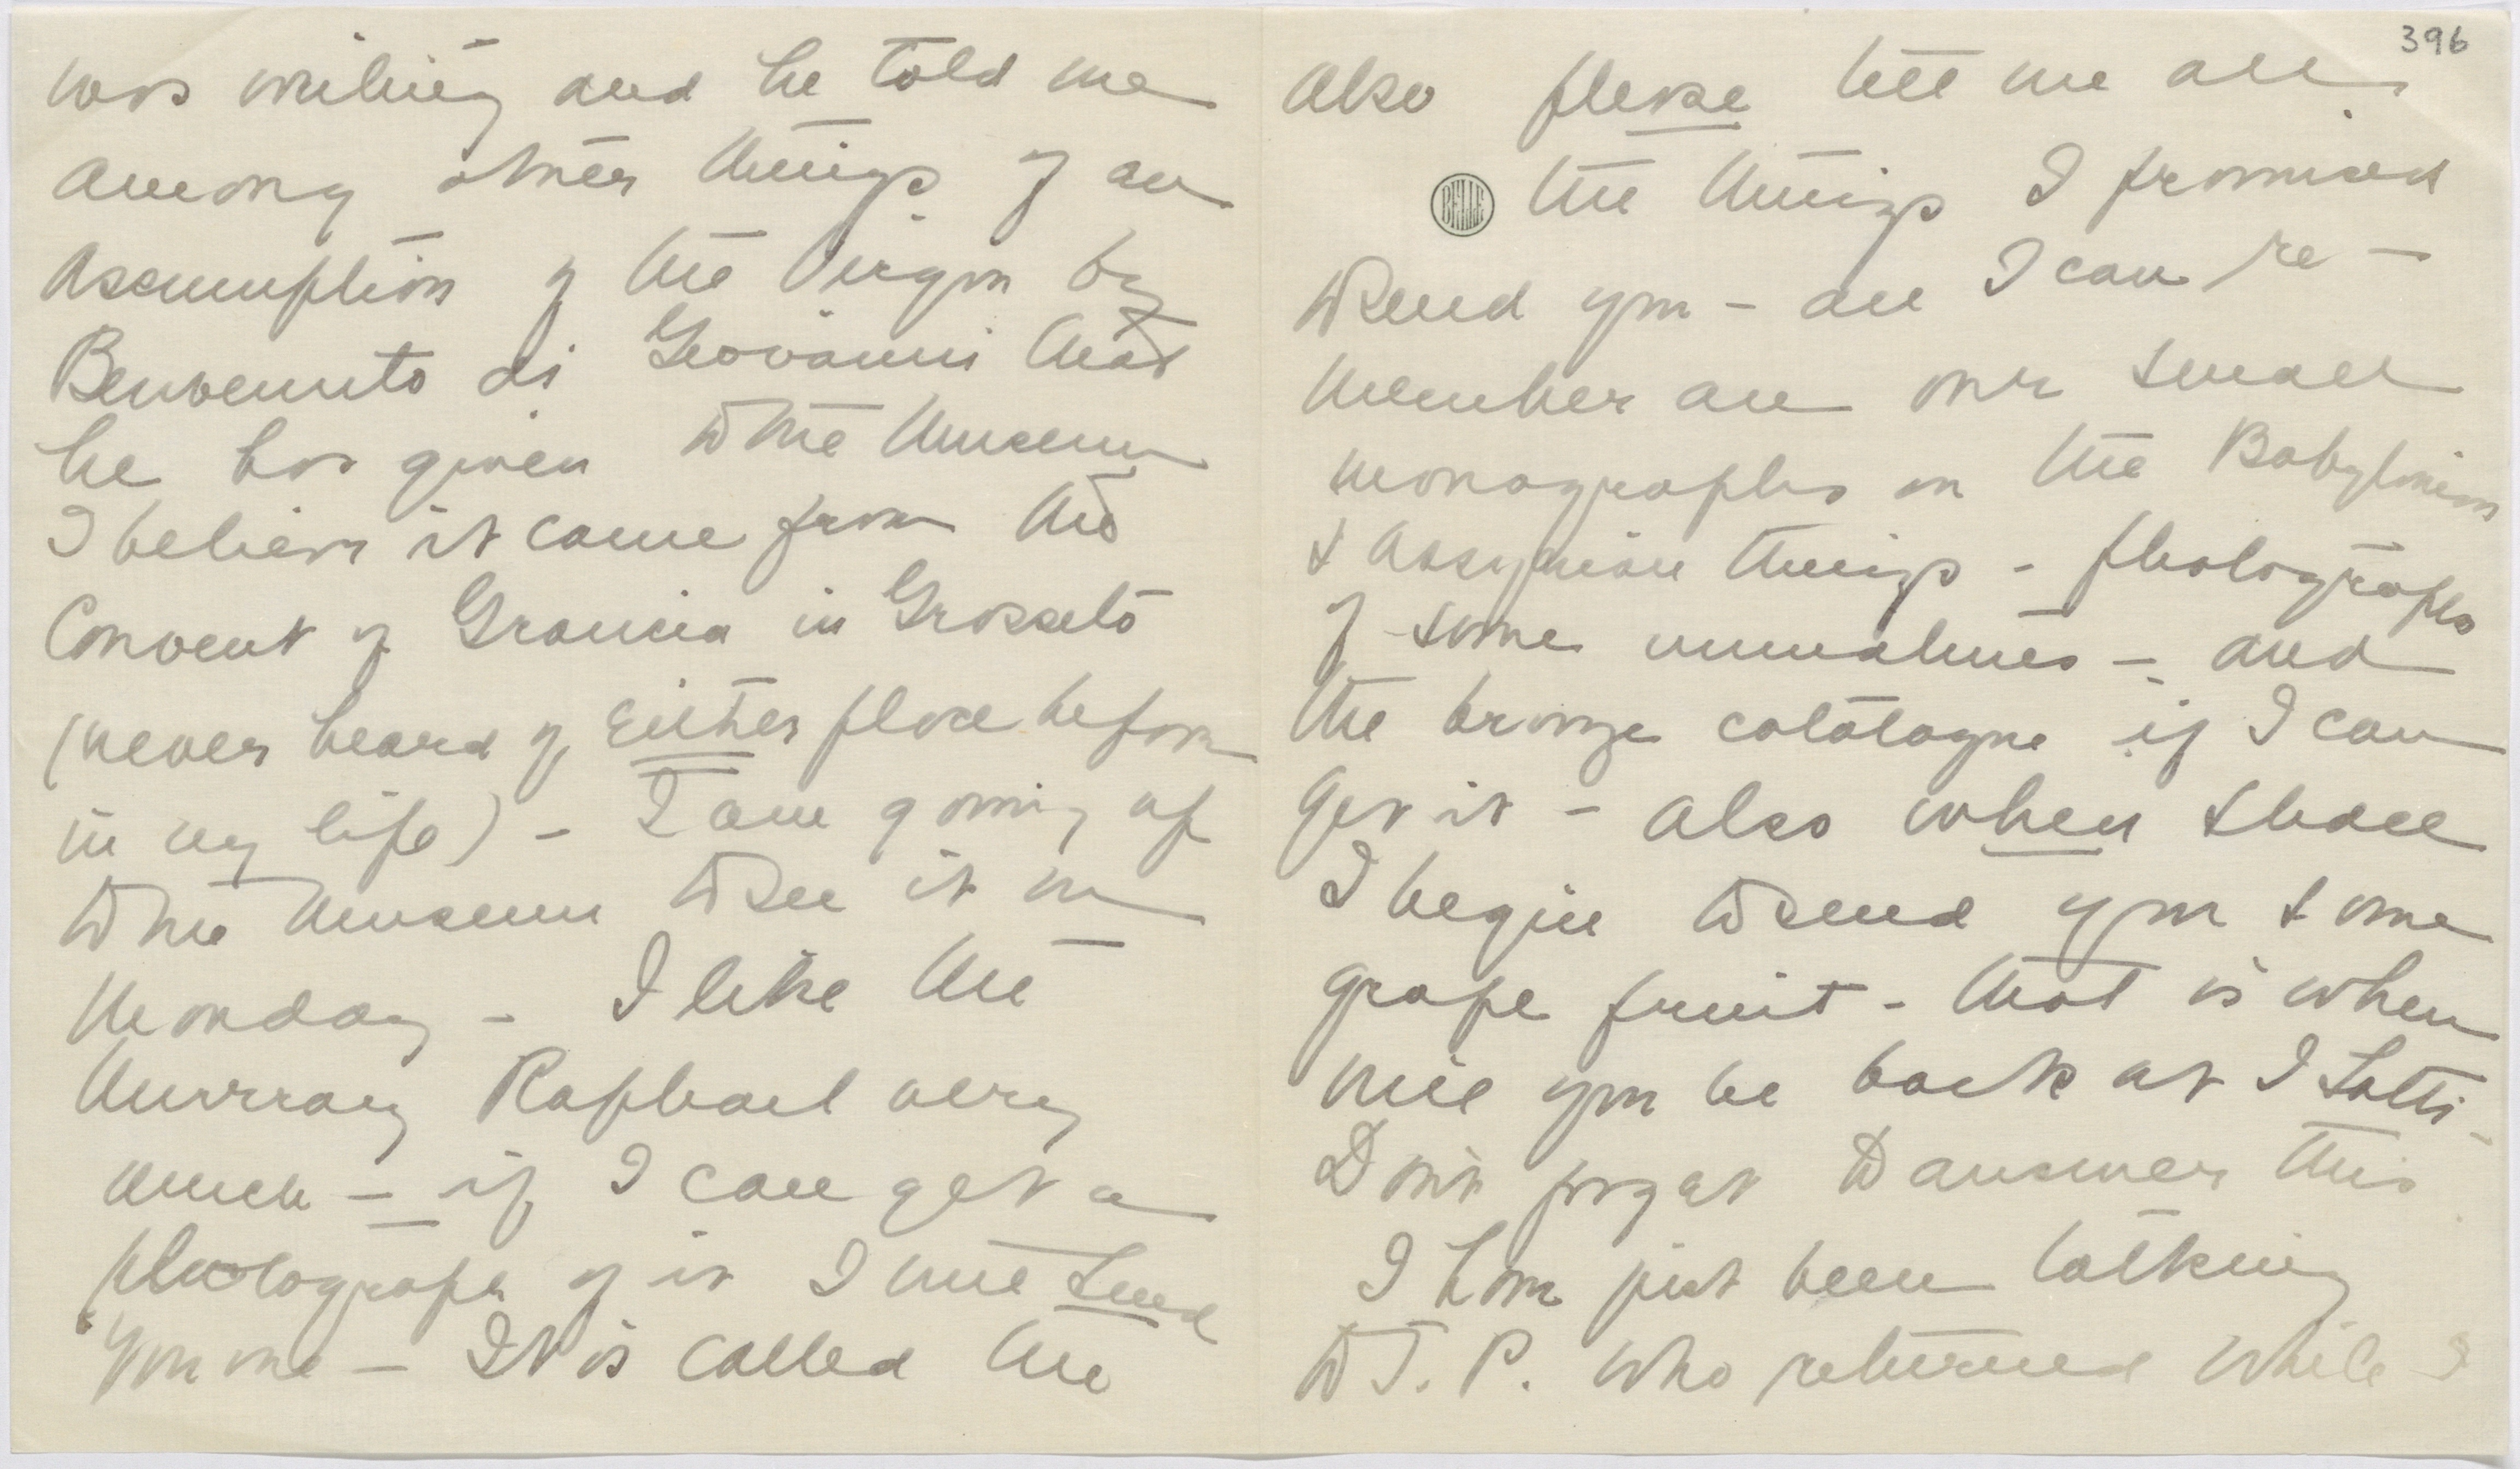also please tell me all the things I promised to send you – all I can remember are our small monographs on the Babylonian & Assyrian things – photographs of some miniatures – and the bronze catalogue if I can get it – also when shall I begin to send you some grape fruit – that is when will you be back at I Tatti – Don’t forget to answer this.
I have just been talking to J. P. who returned while I
was writing and he told me among other things of an Assumption of the Virgin by Benvenuto di Giovanni that he has given to the Museum I believe it came from that Convent of Grancia in Grosseto (never heard of [double underlined: either] place before in my life) – I am going up to the Museum to see it on Monday – I like the Murray Raphael very much – if I can get a photograph of it I will send you one – It is called the